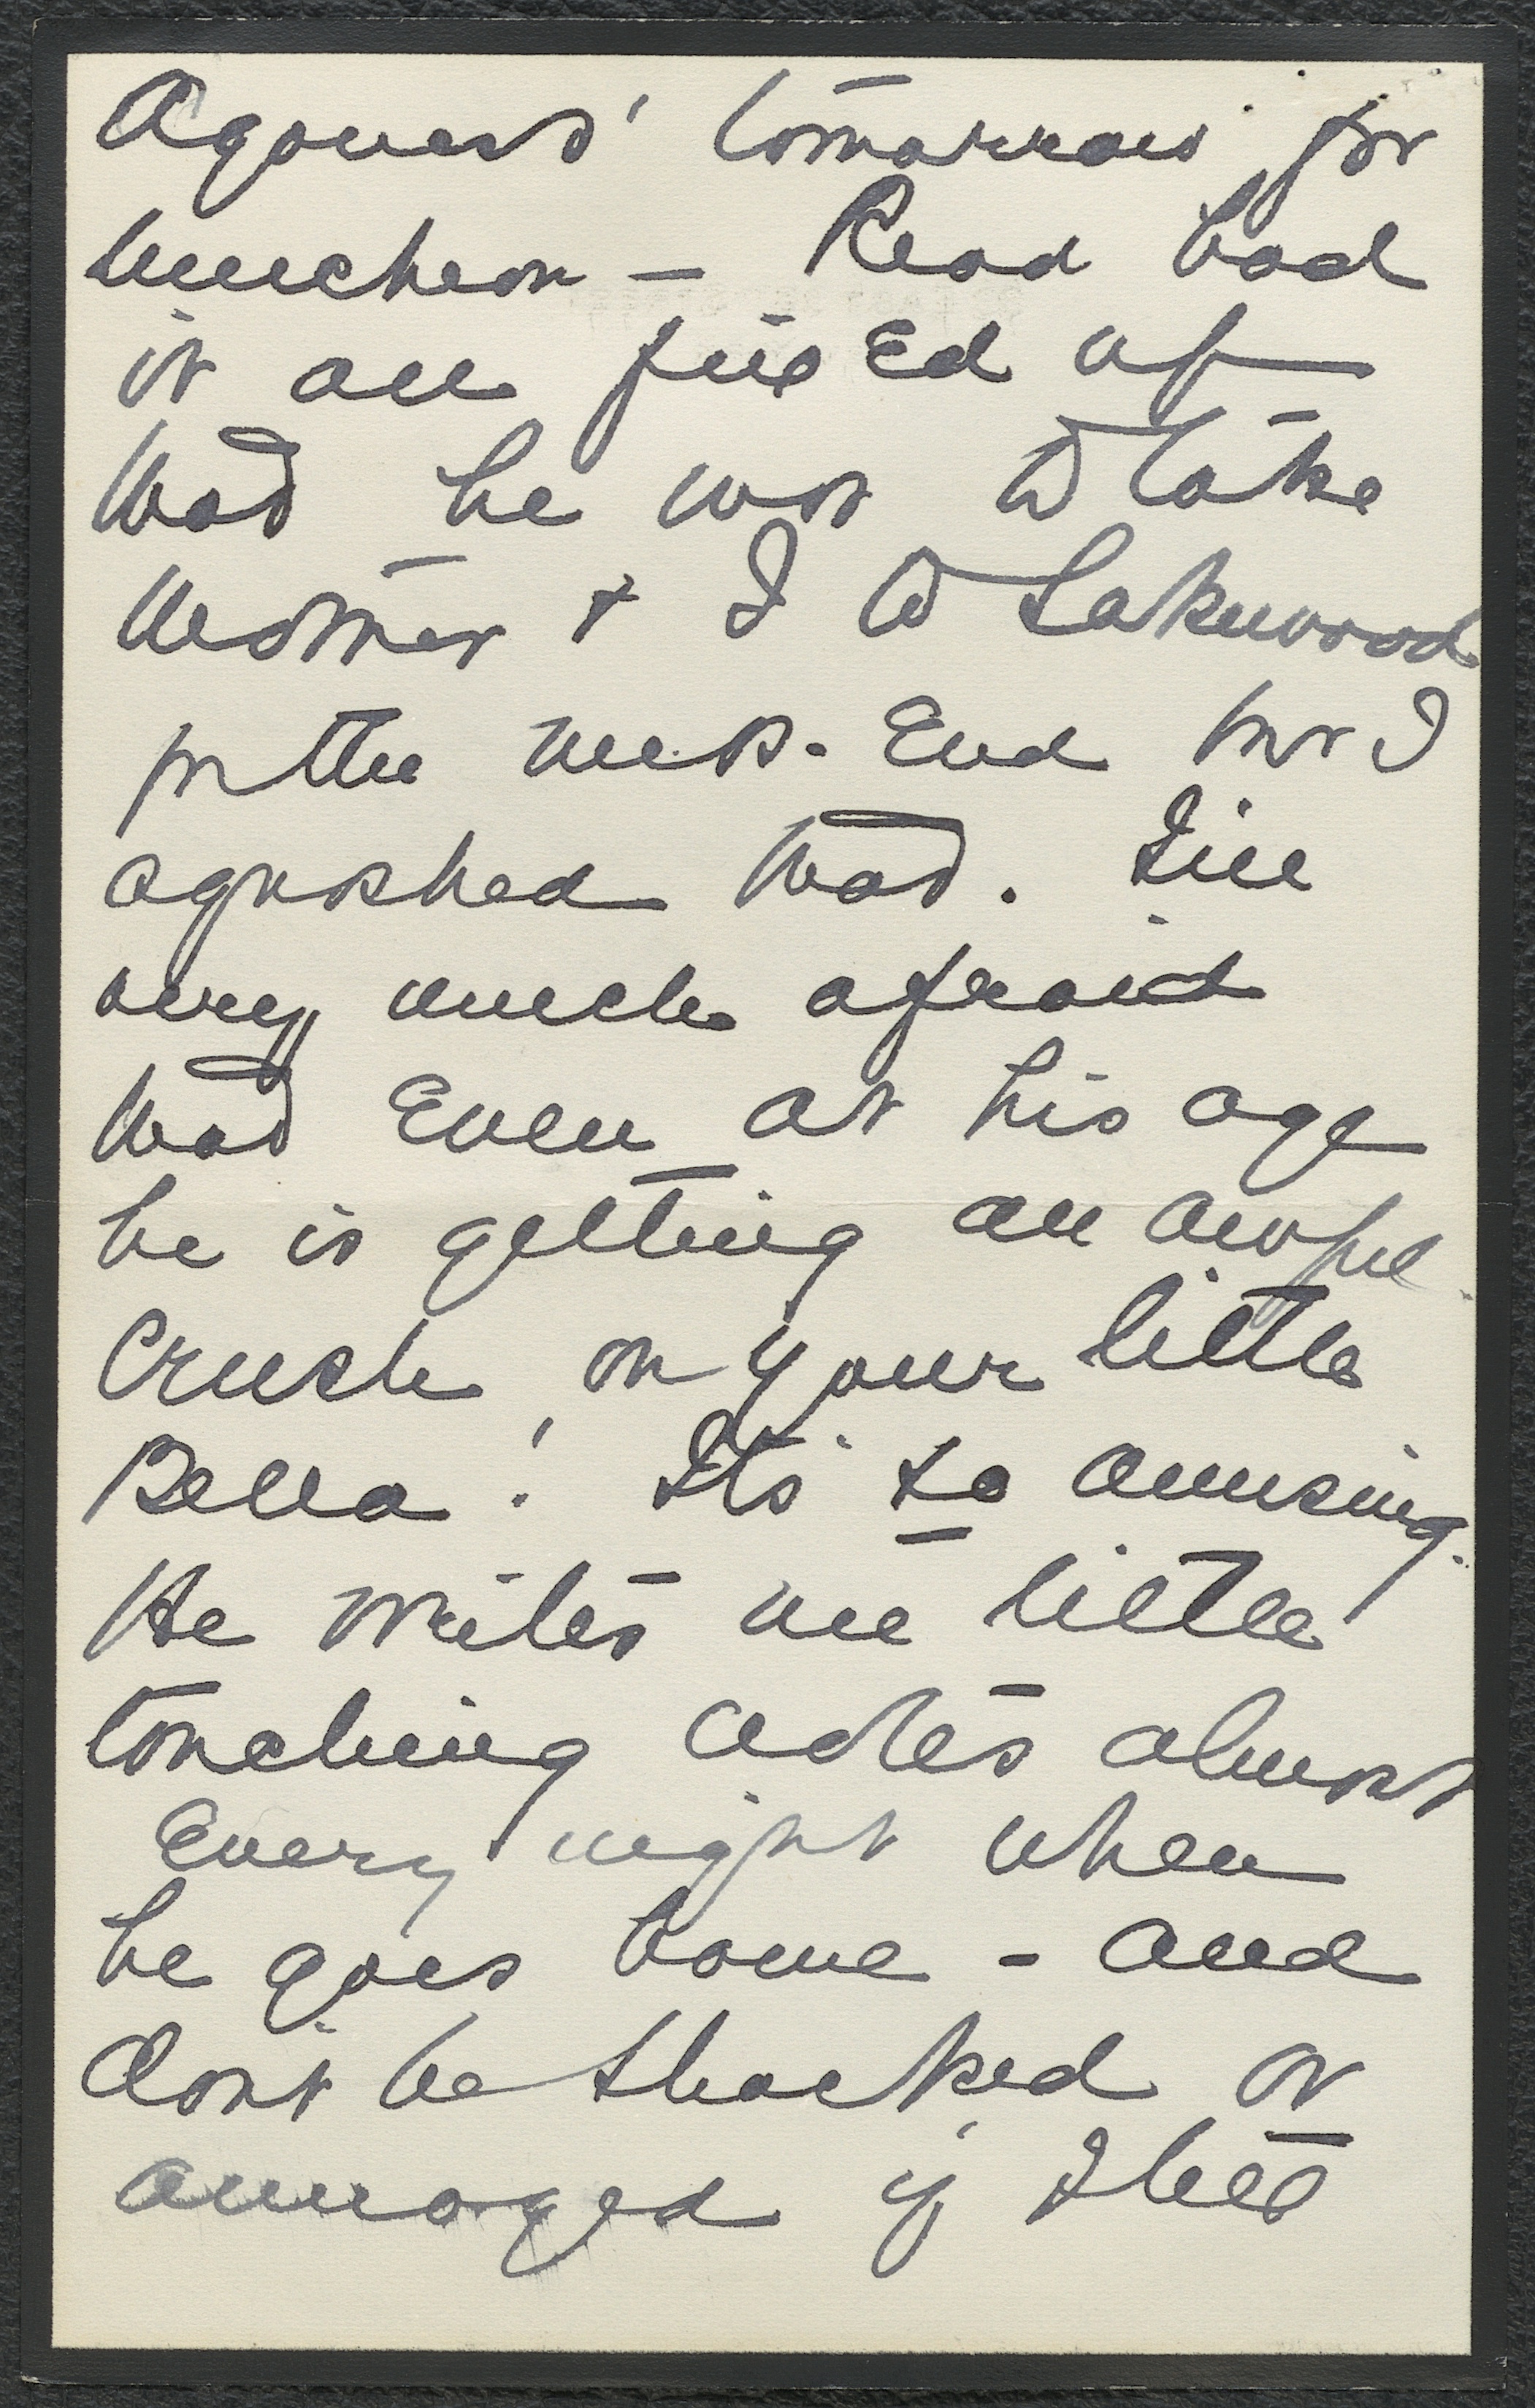Agoness’ tomorrow for luncheon – Read had it all fixed up that he was to take mother & I to Lakewood for the week-end but I squashed that. I’m very much afraid that even at his age he is getting an awful crush on your little Bella! It’s so amusing. He writes me little touching notes almost every night when he goes home – and don’t be shocked or annoyed if I tell